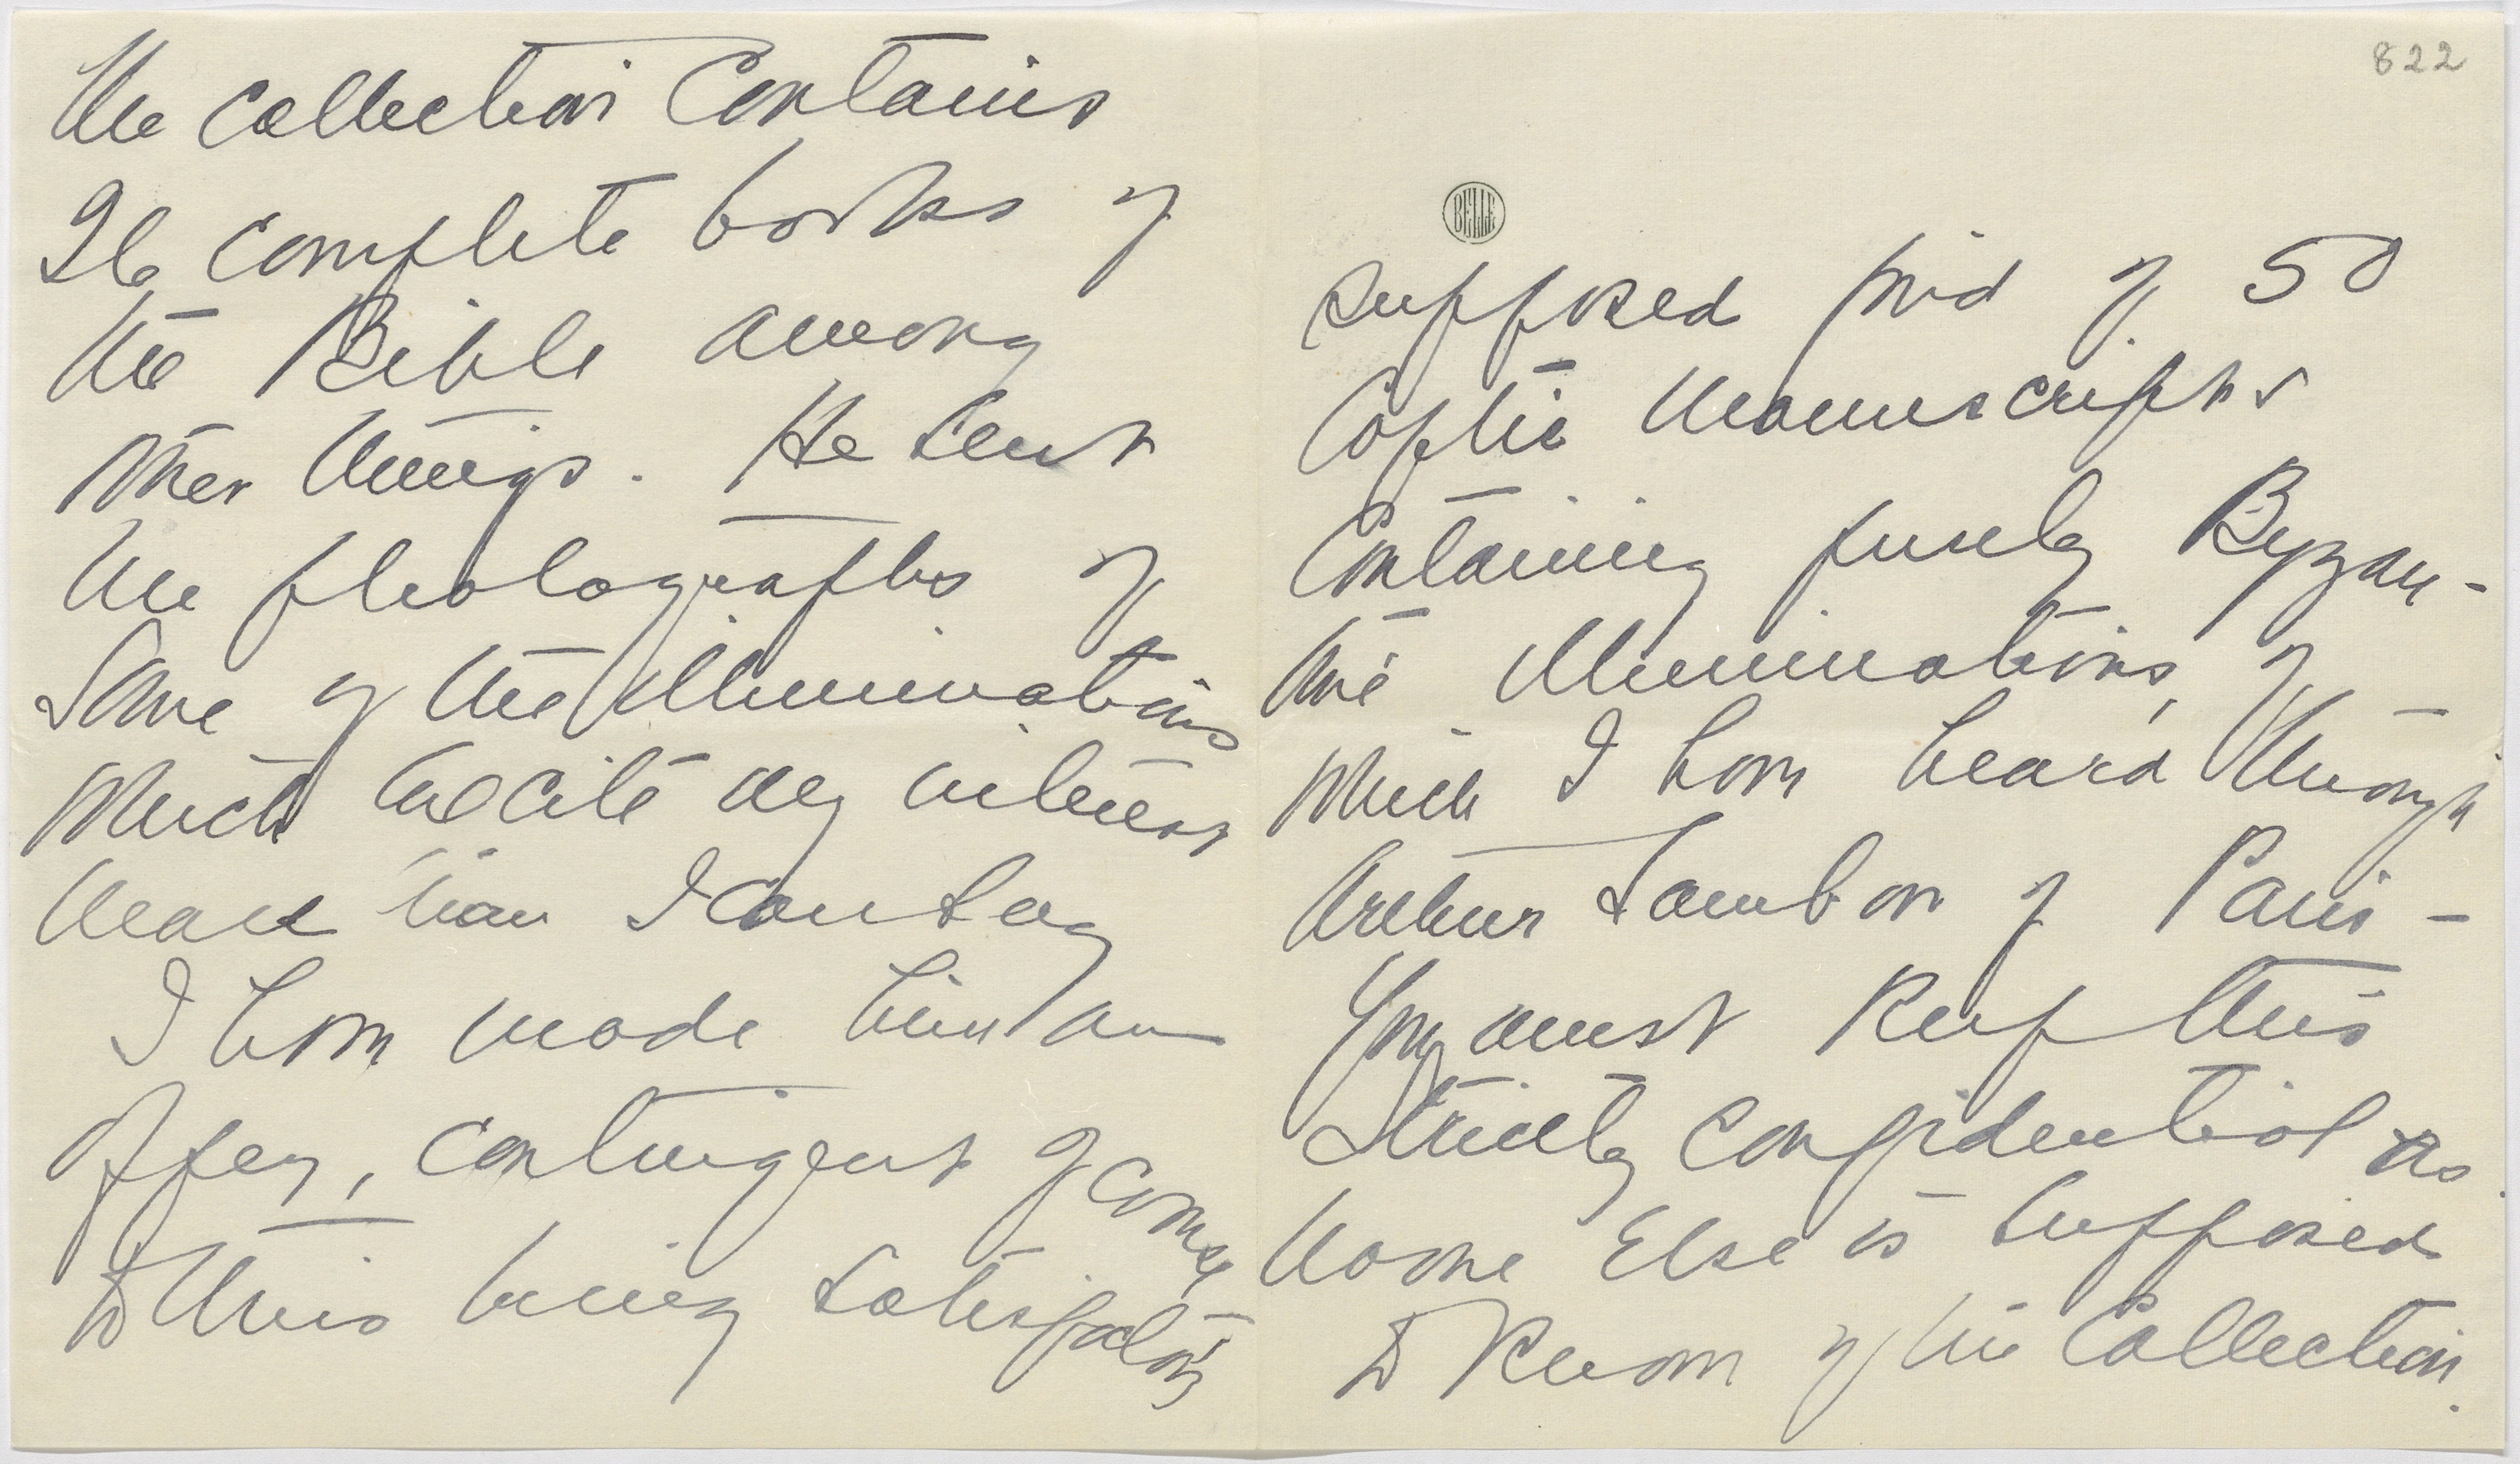supposed find of 50 Coptic manuscripts containing purely Byzantine illuminations, of which I have heard through Arthur Sambon of Paris – You must keep this Strictly confidential as no one else is supposed to know of the collection.
The collection contains 26 complete books of the Bible among other things. He sent me photographs of some of the illuminations which excite my interest more than I can say
I have made him an offer, contingent of course, to this being satisfactory